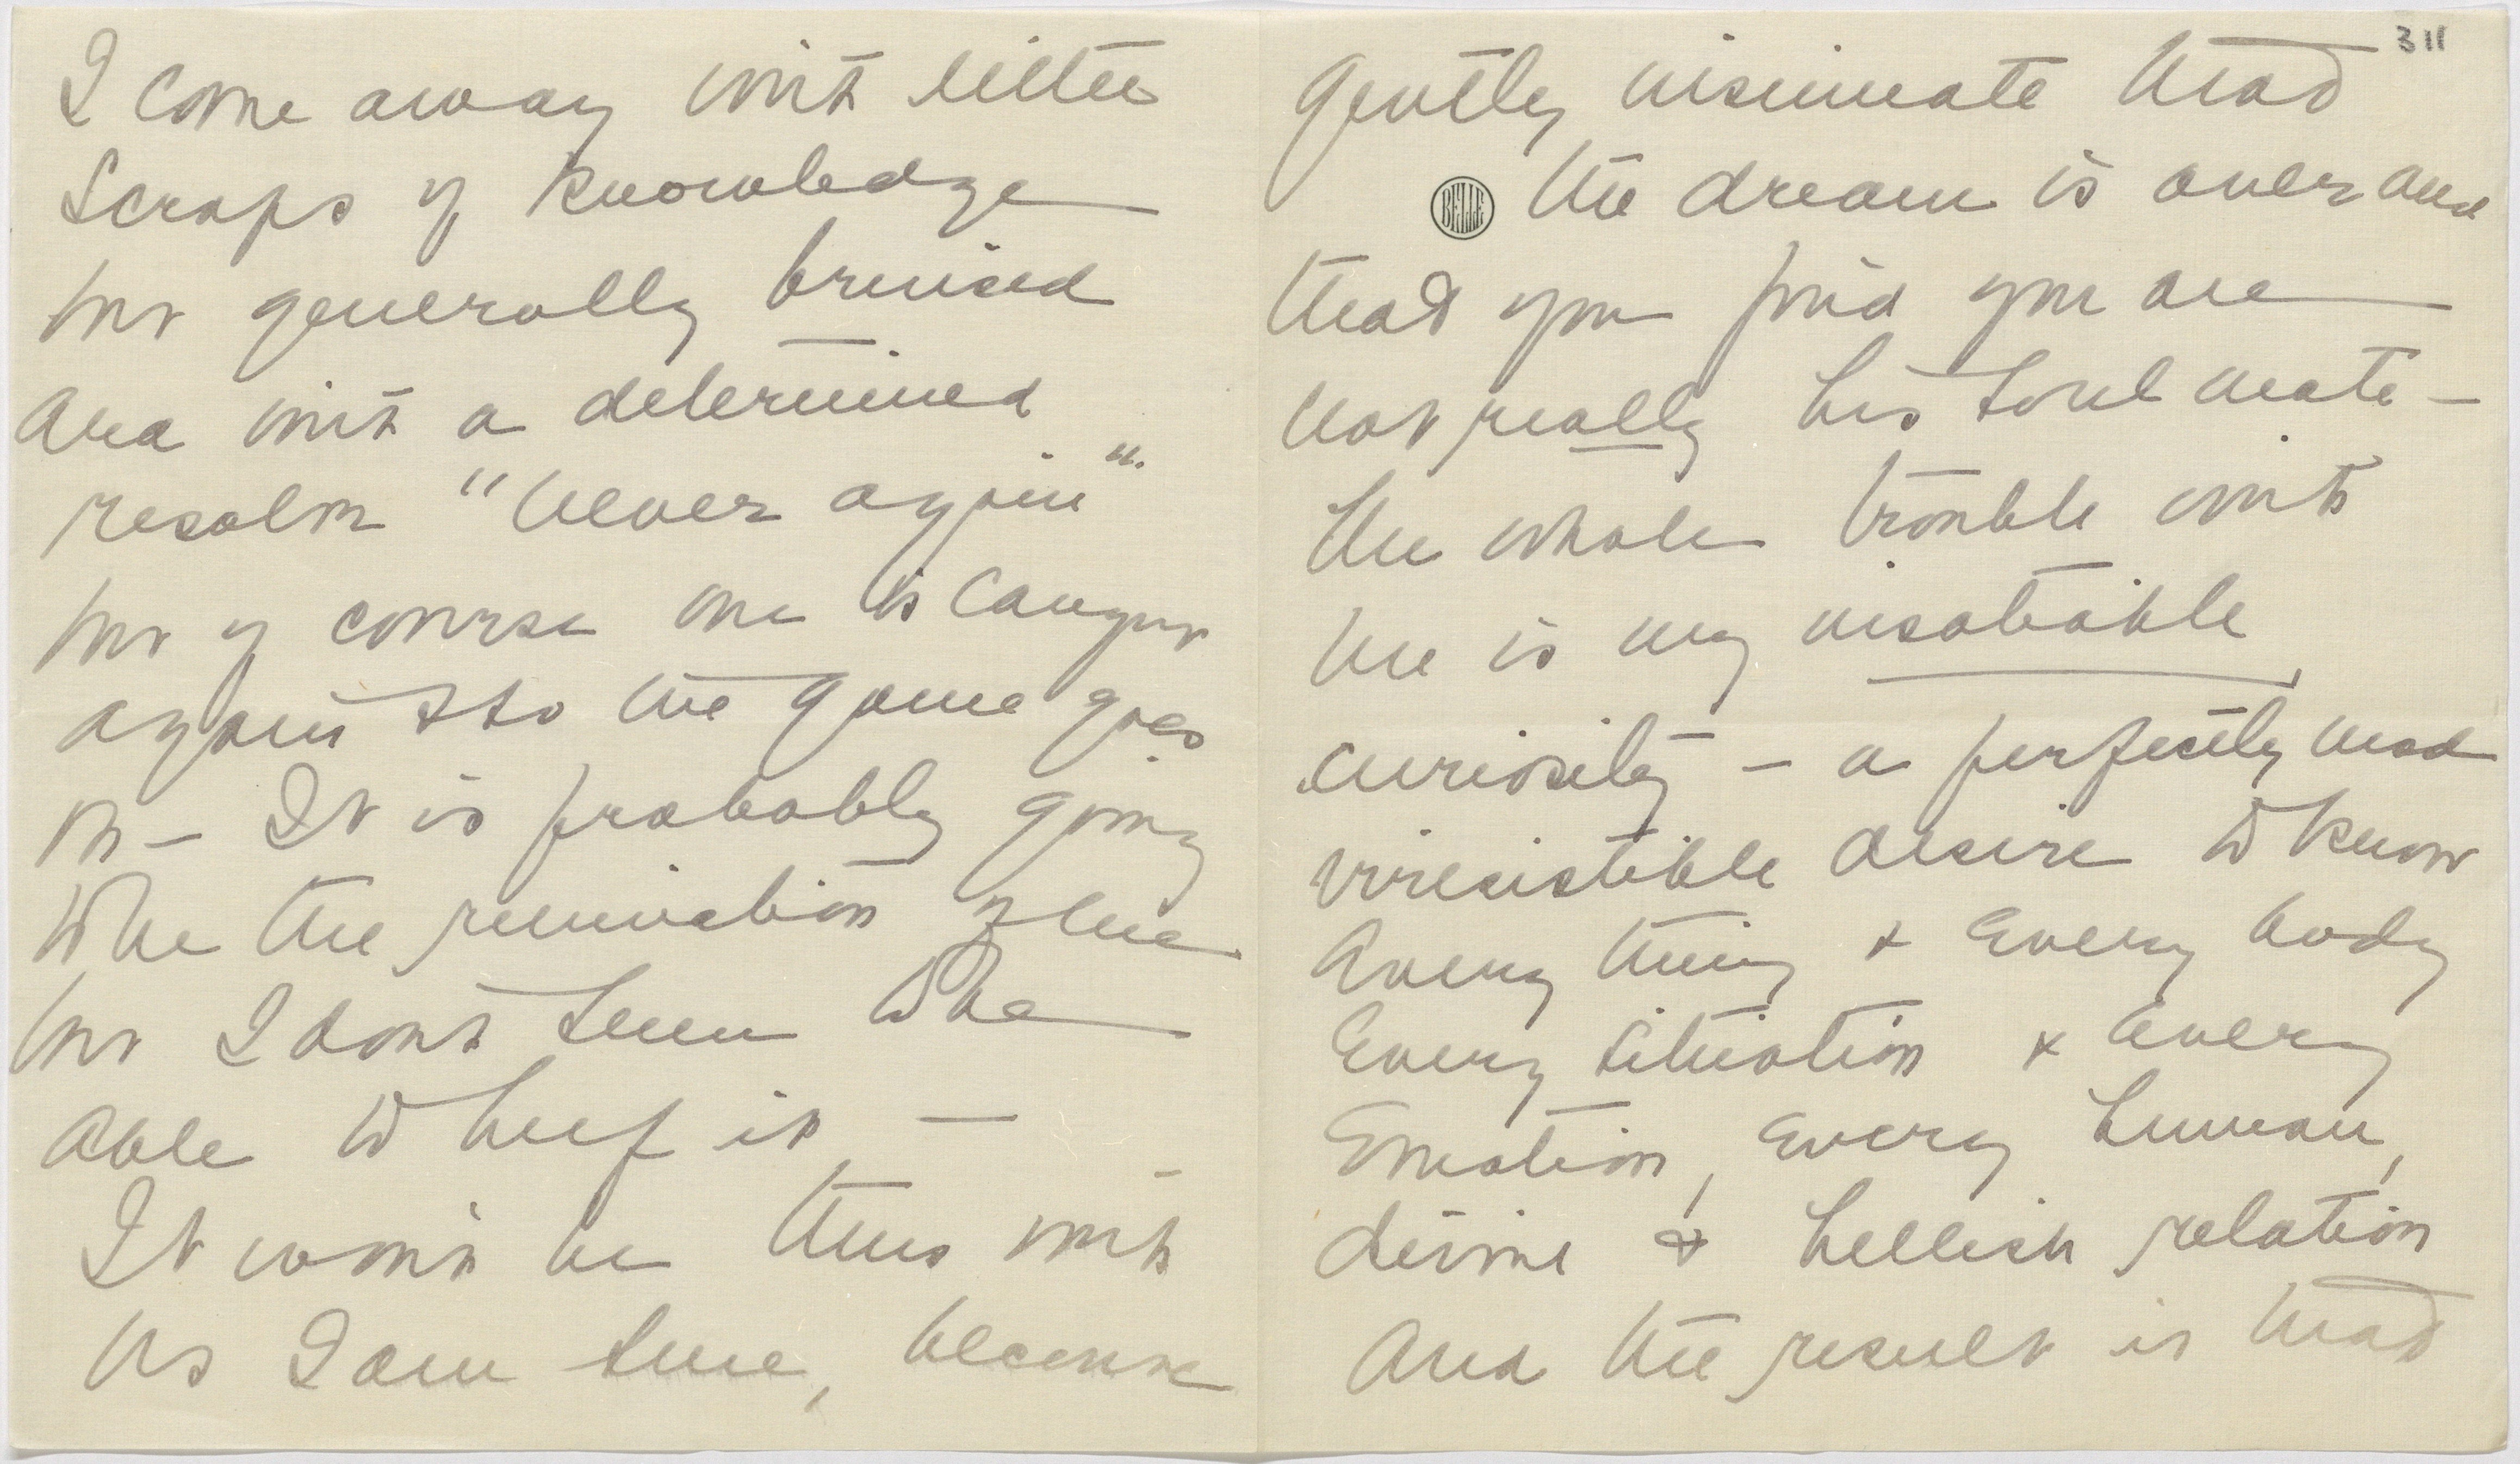gently insinuate that the dream is over and that you find you are not really his soul mate – The whole trouble with me is my insatiable curiosity – a perfectly mad irresistible desire to know every thing & every body Every situation & every emotion, every human, divine & hellish relation and the result is that
I come away with little scraps of knowledge but generally bruised and with a determined resolve “never again” but of course one is caught again & so the game goes on – It is probably going to be the ruination of me but I don’t seem to be able to help it –
It won’t be this with us I am sure, because